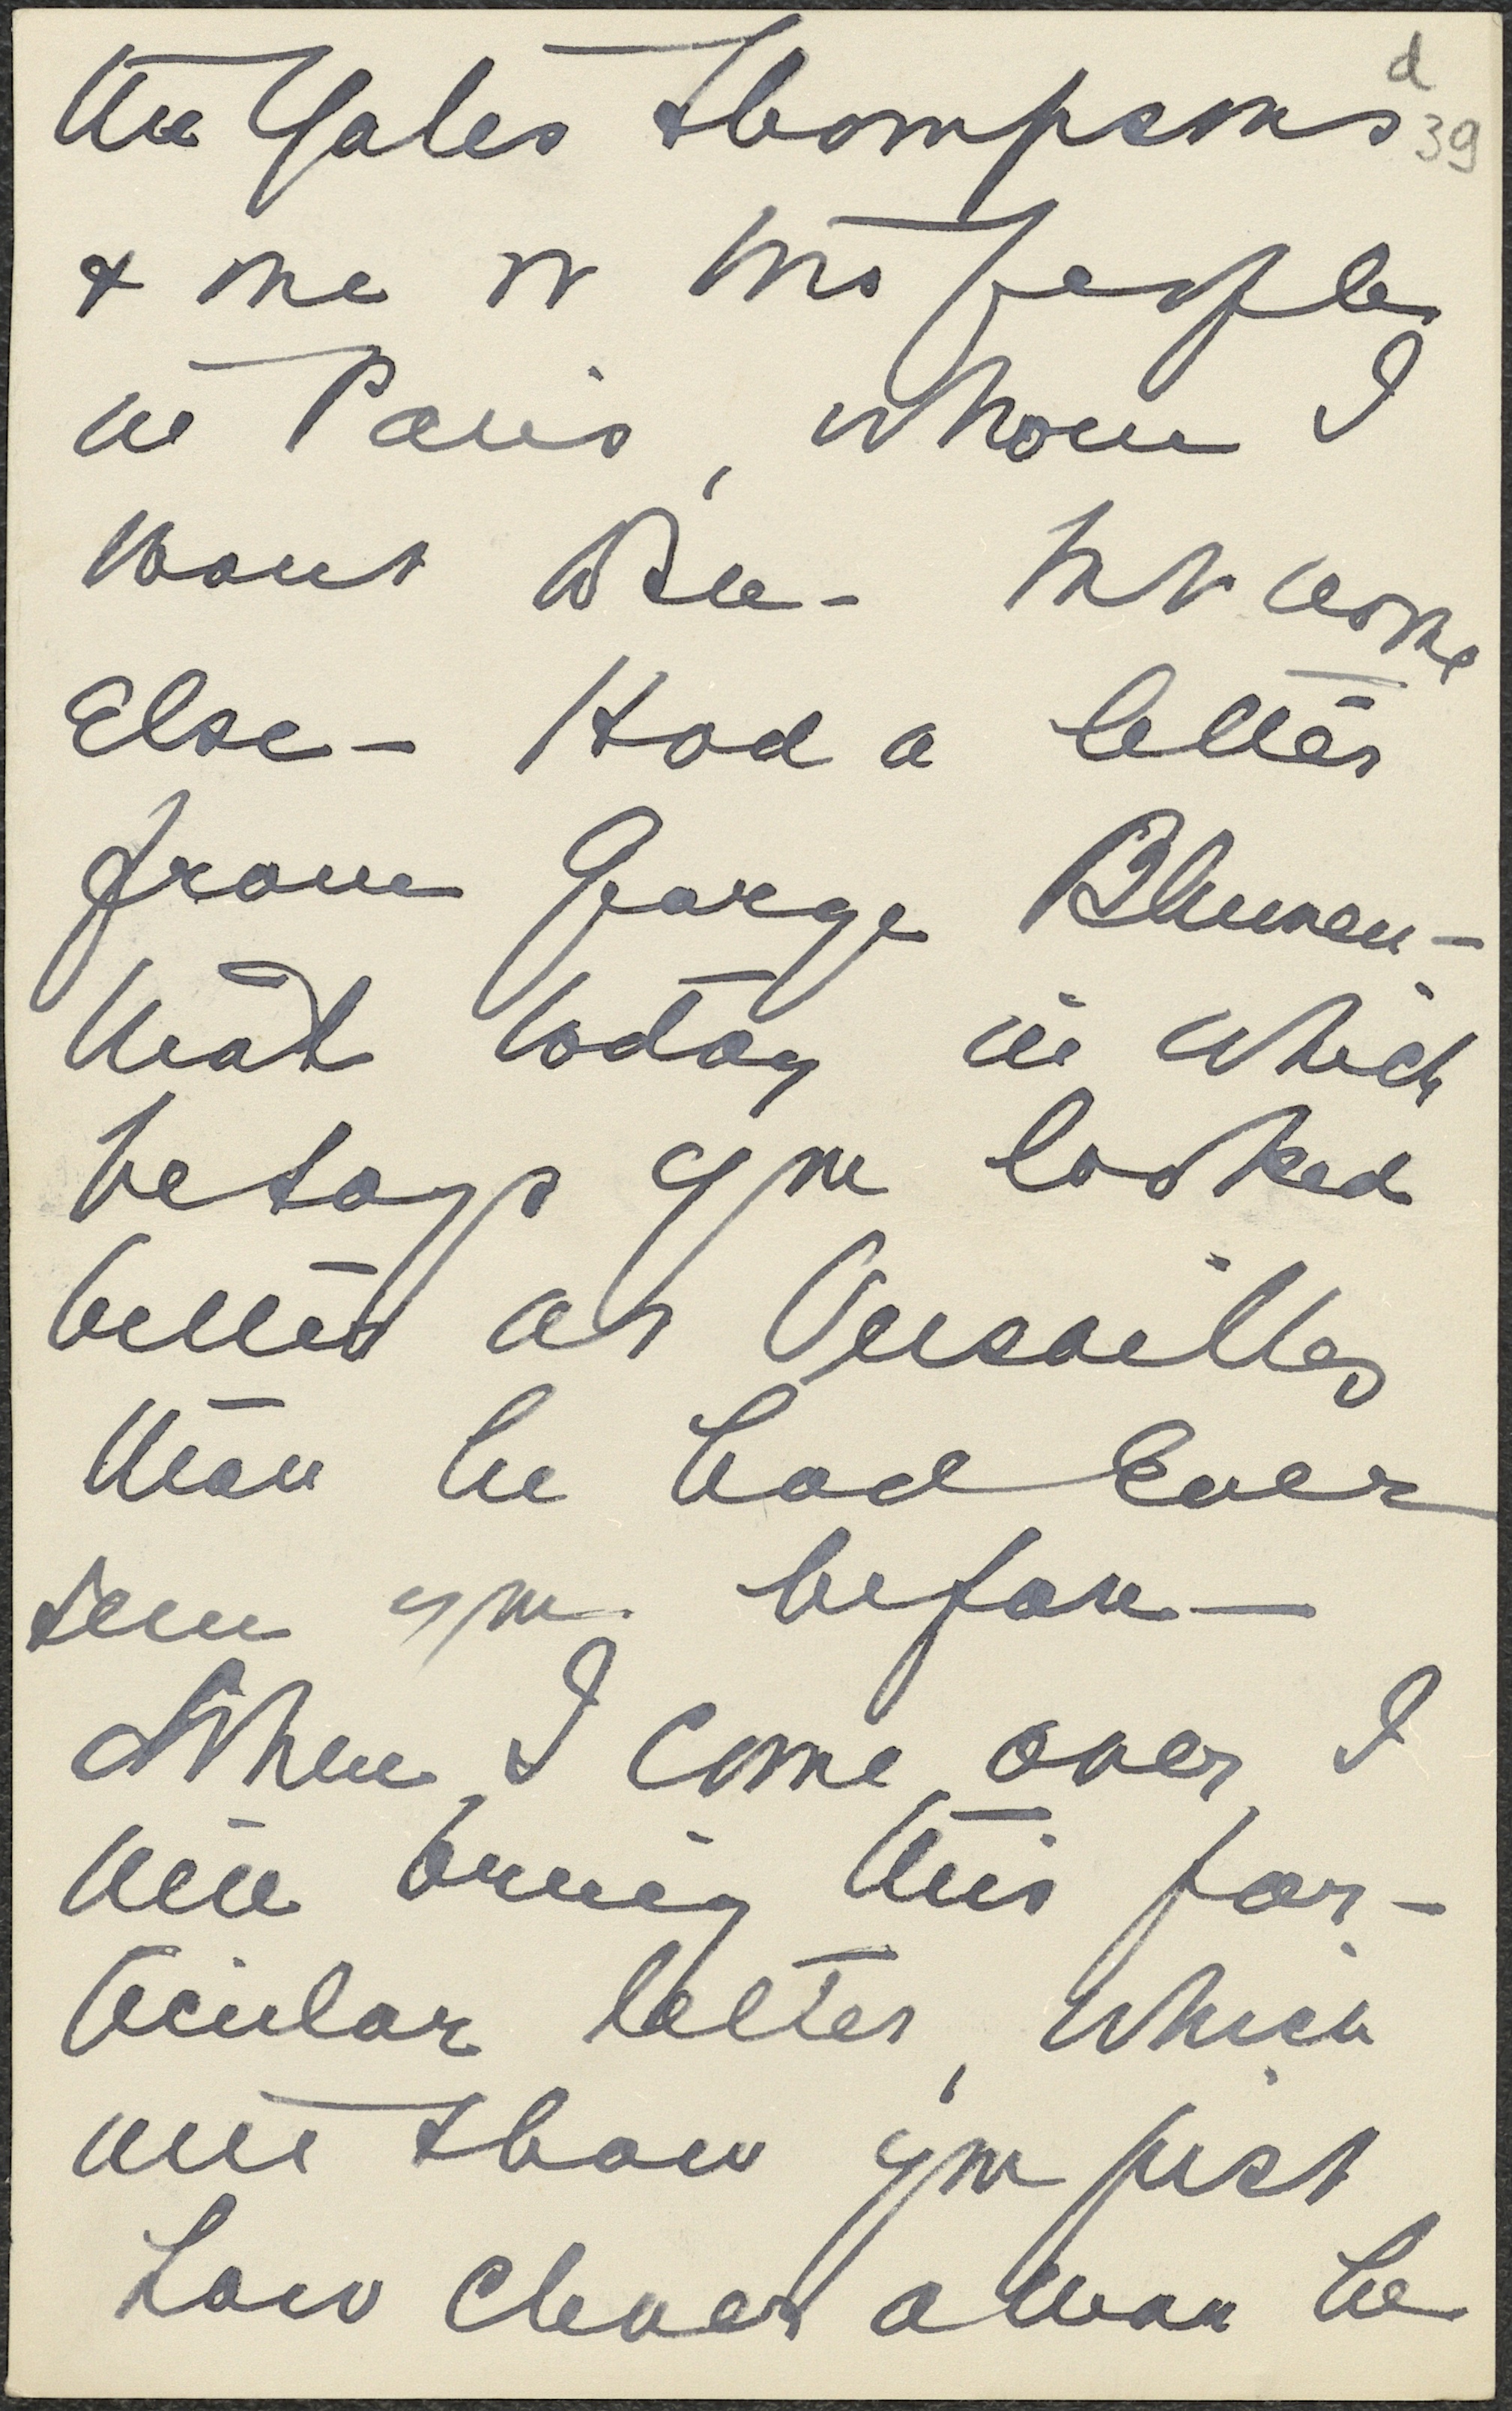the Yates Thompsons & one or two people in Paris, whom I want to see – but noone else – Had a letter from George Blumenthal today in which he says you looked letter at Versailles than he had ever seen you before – When I come over I will bring this particular letter, which will show you first how clever a man he